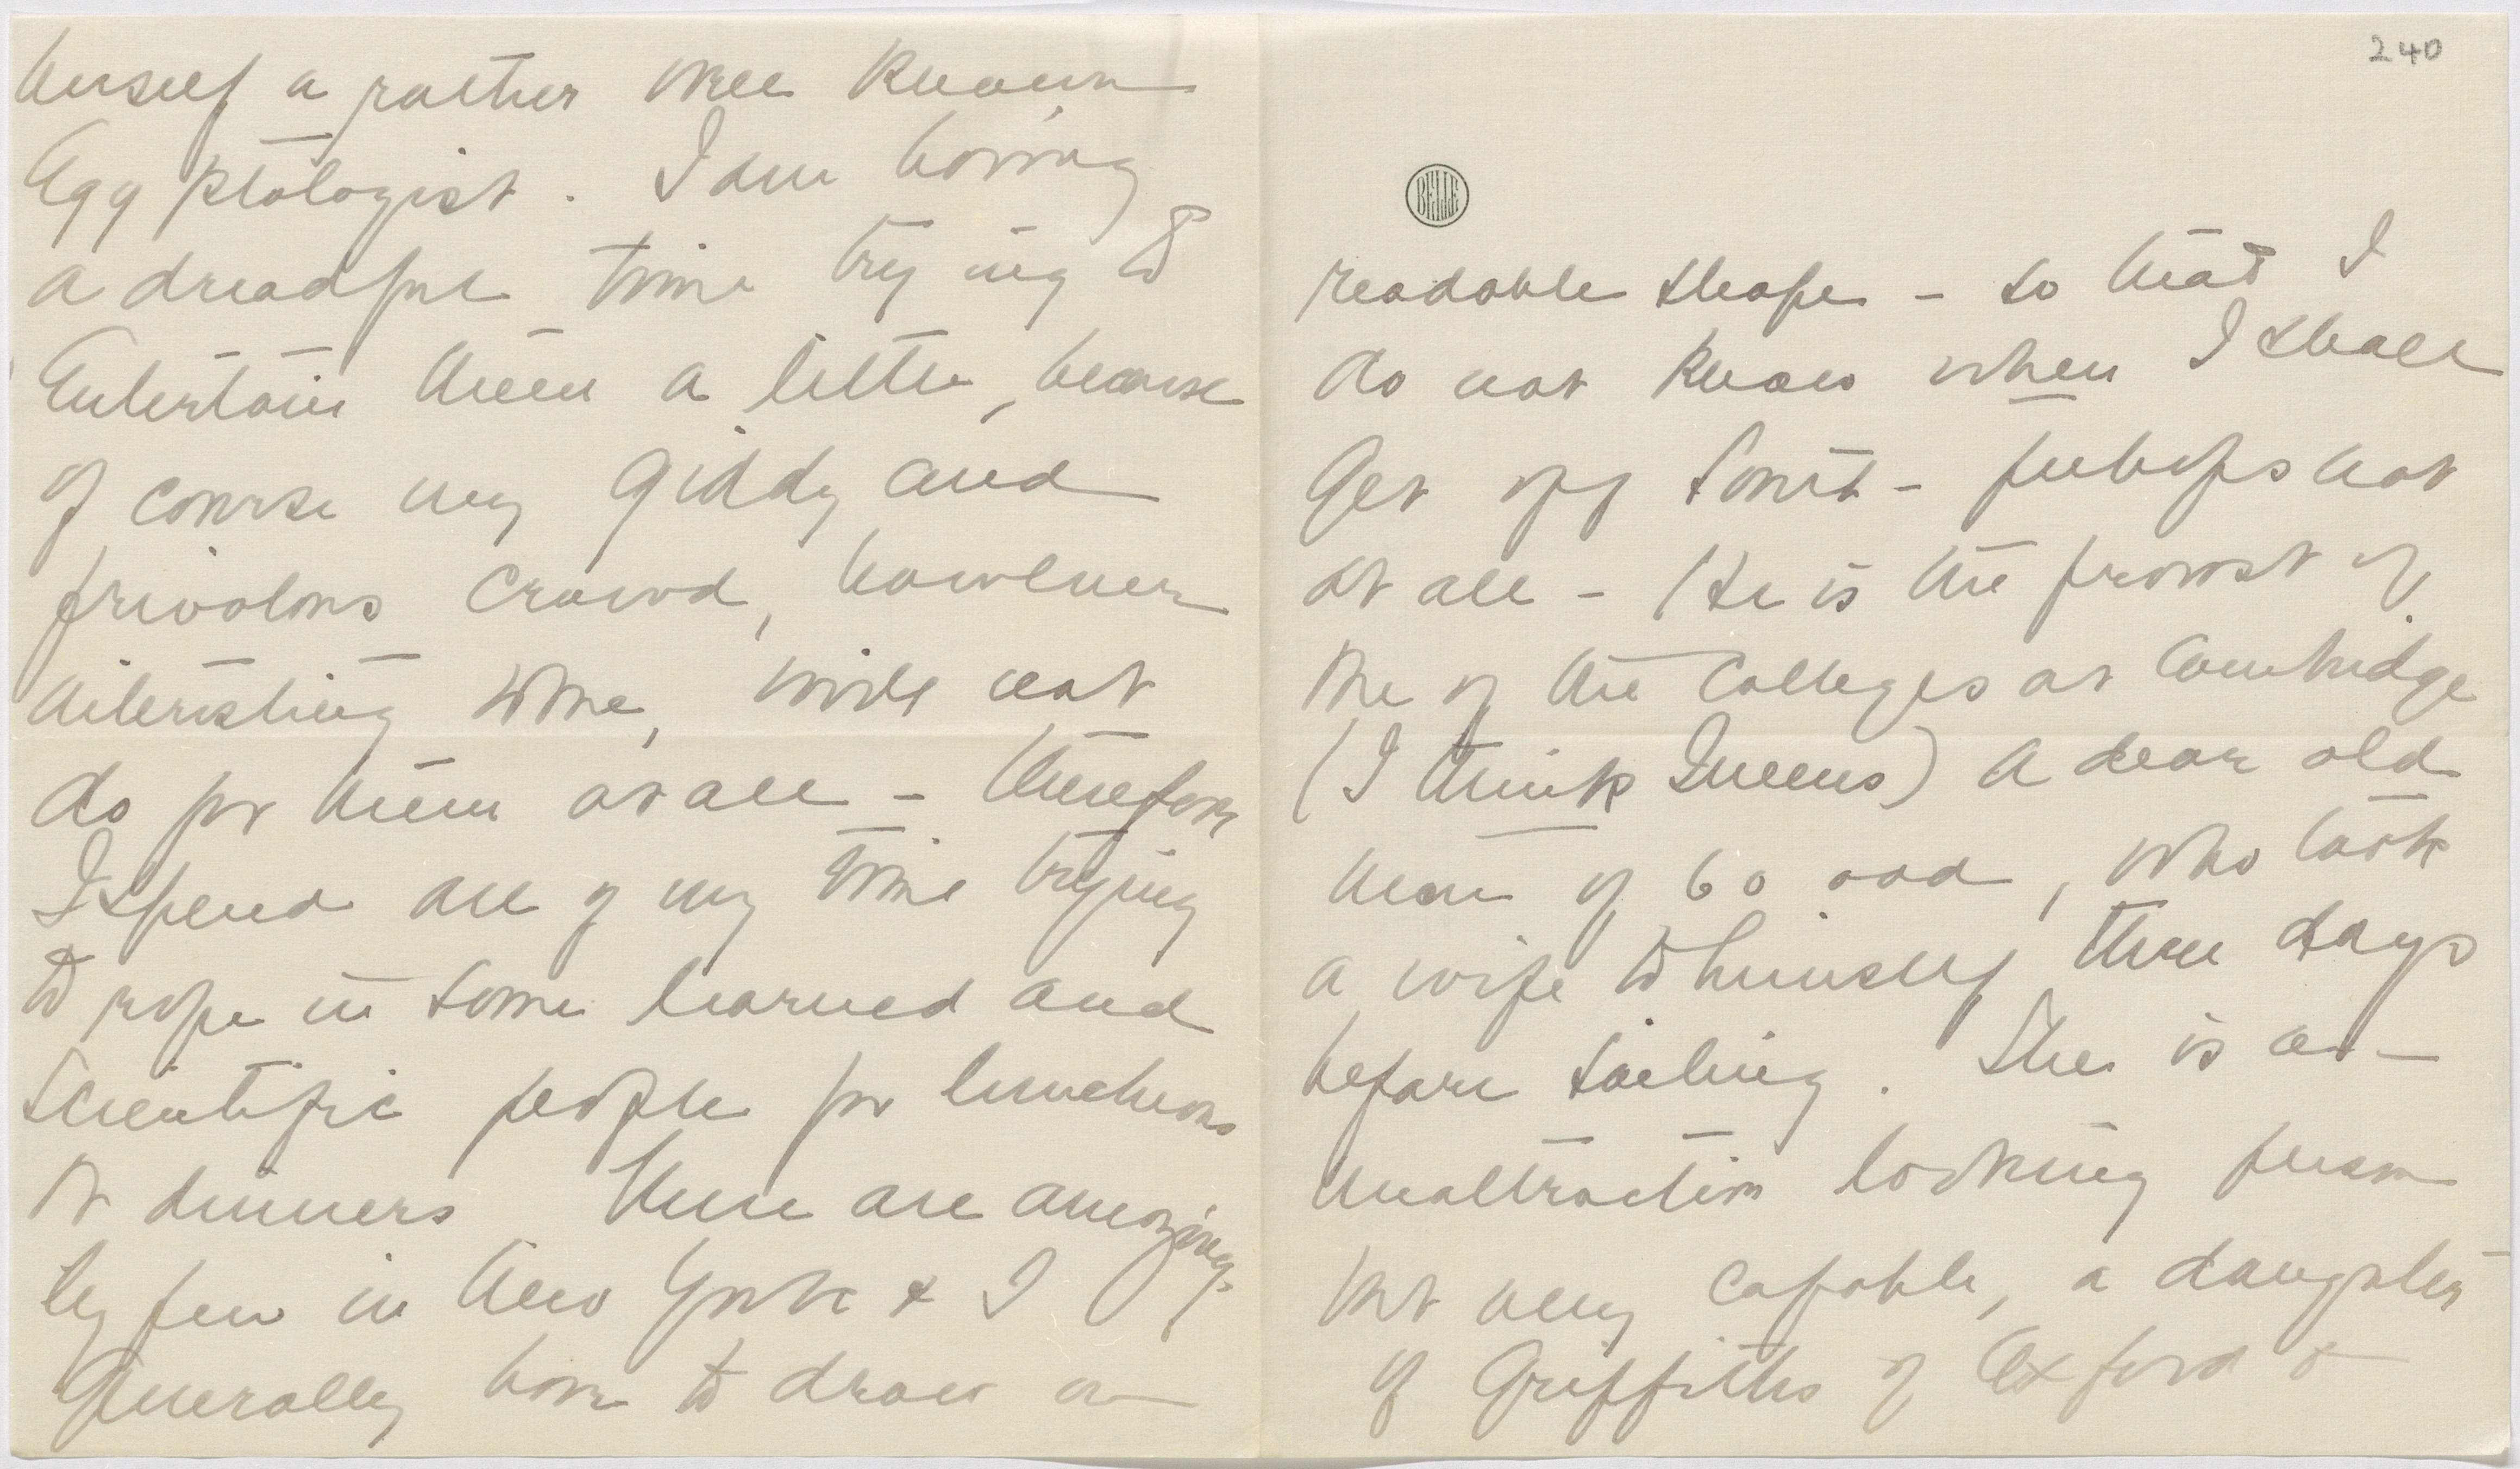readable shape – so that I do not know when I shall get off South – perhaps not at all – He is the provost of one of the colleges at Cambridge (I think Queens) a dear old man of 60 odd, who took a wife to himself three days before sailing. She is an unattractive looking person but very capable, a daughter of Griffiths of Oxford &
herself a rather well known Egyptologist. I am having a dreadful time trying to entertain them a little, because of course my giddy and frivolous crowd, however interesting to me, will not do for them at all – therefore I spend all of my time trying to rope in some learned and scientific people for luncheons or dinners. There are amazingly few in New York & I generally have to draw on